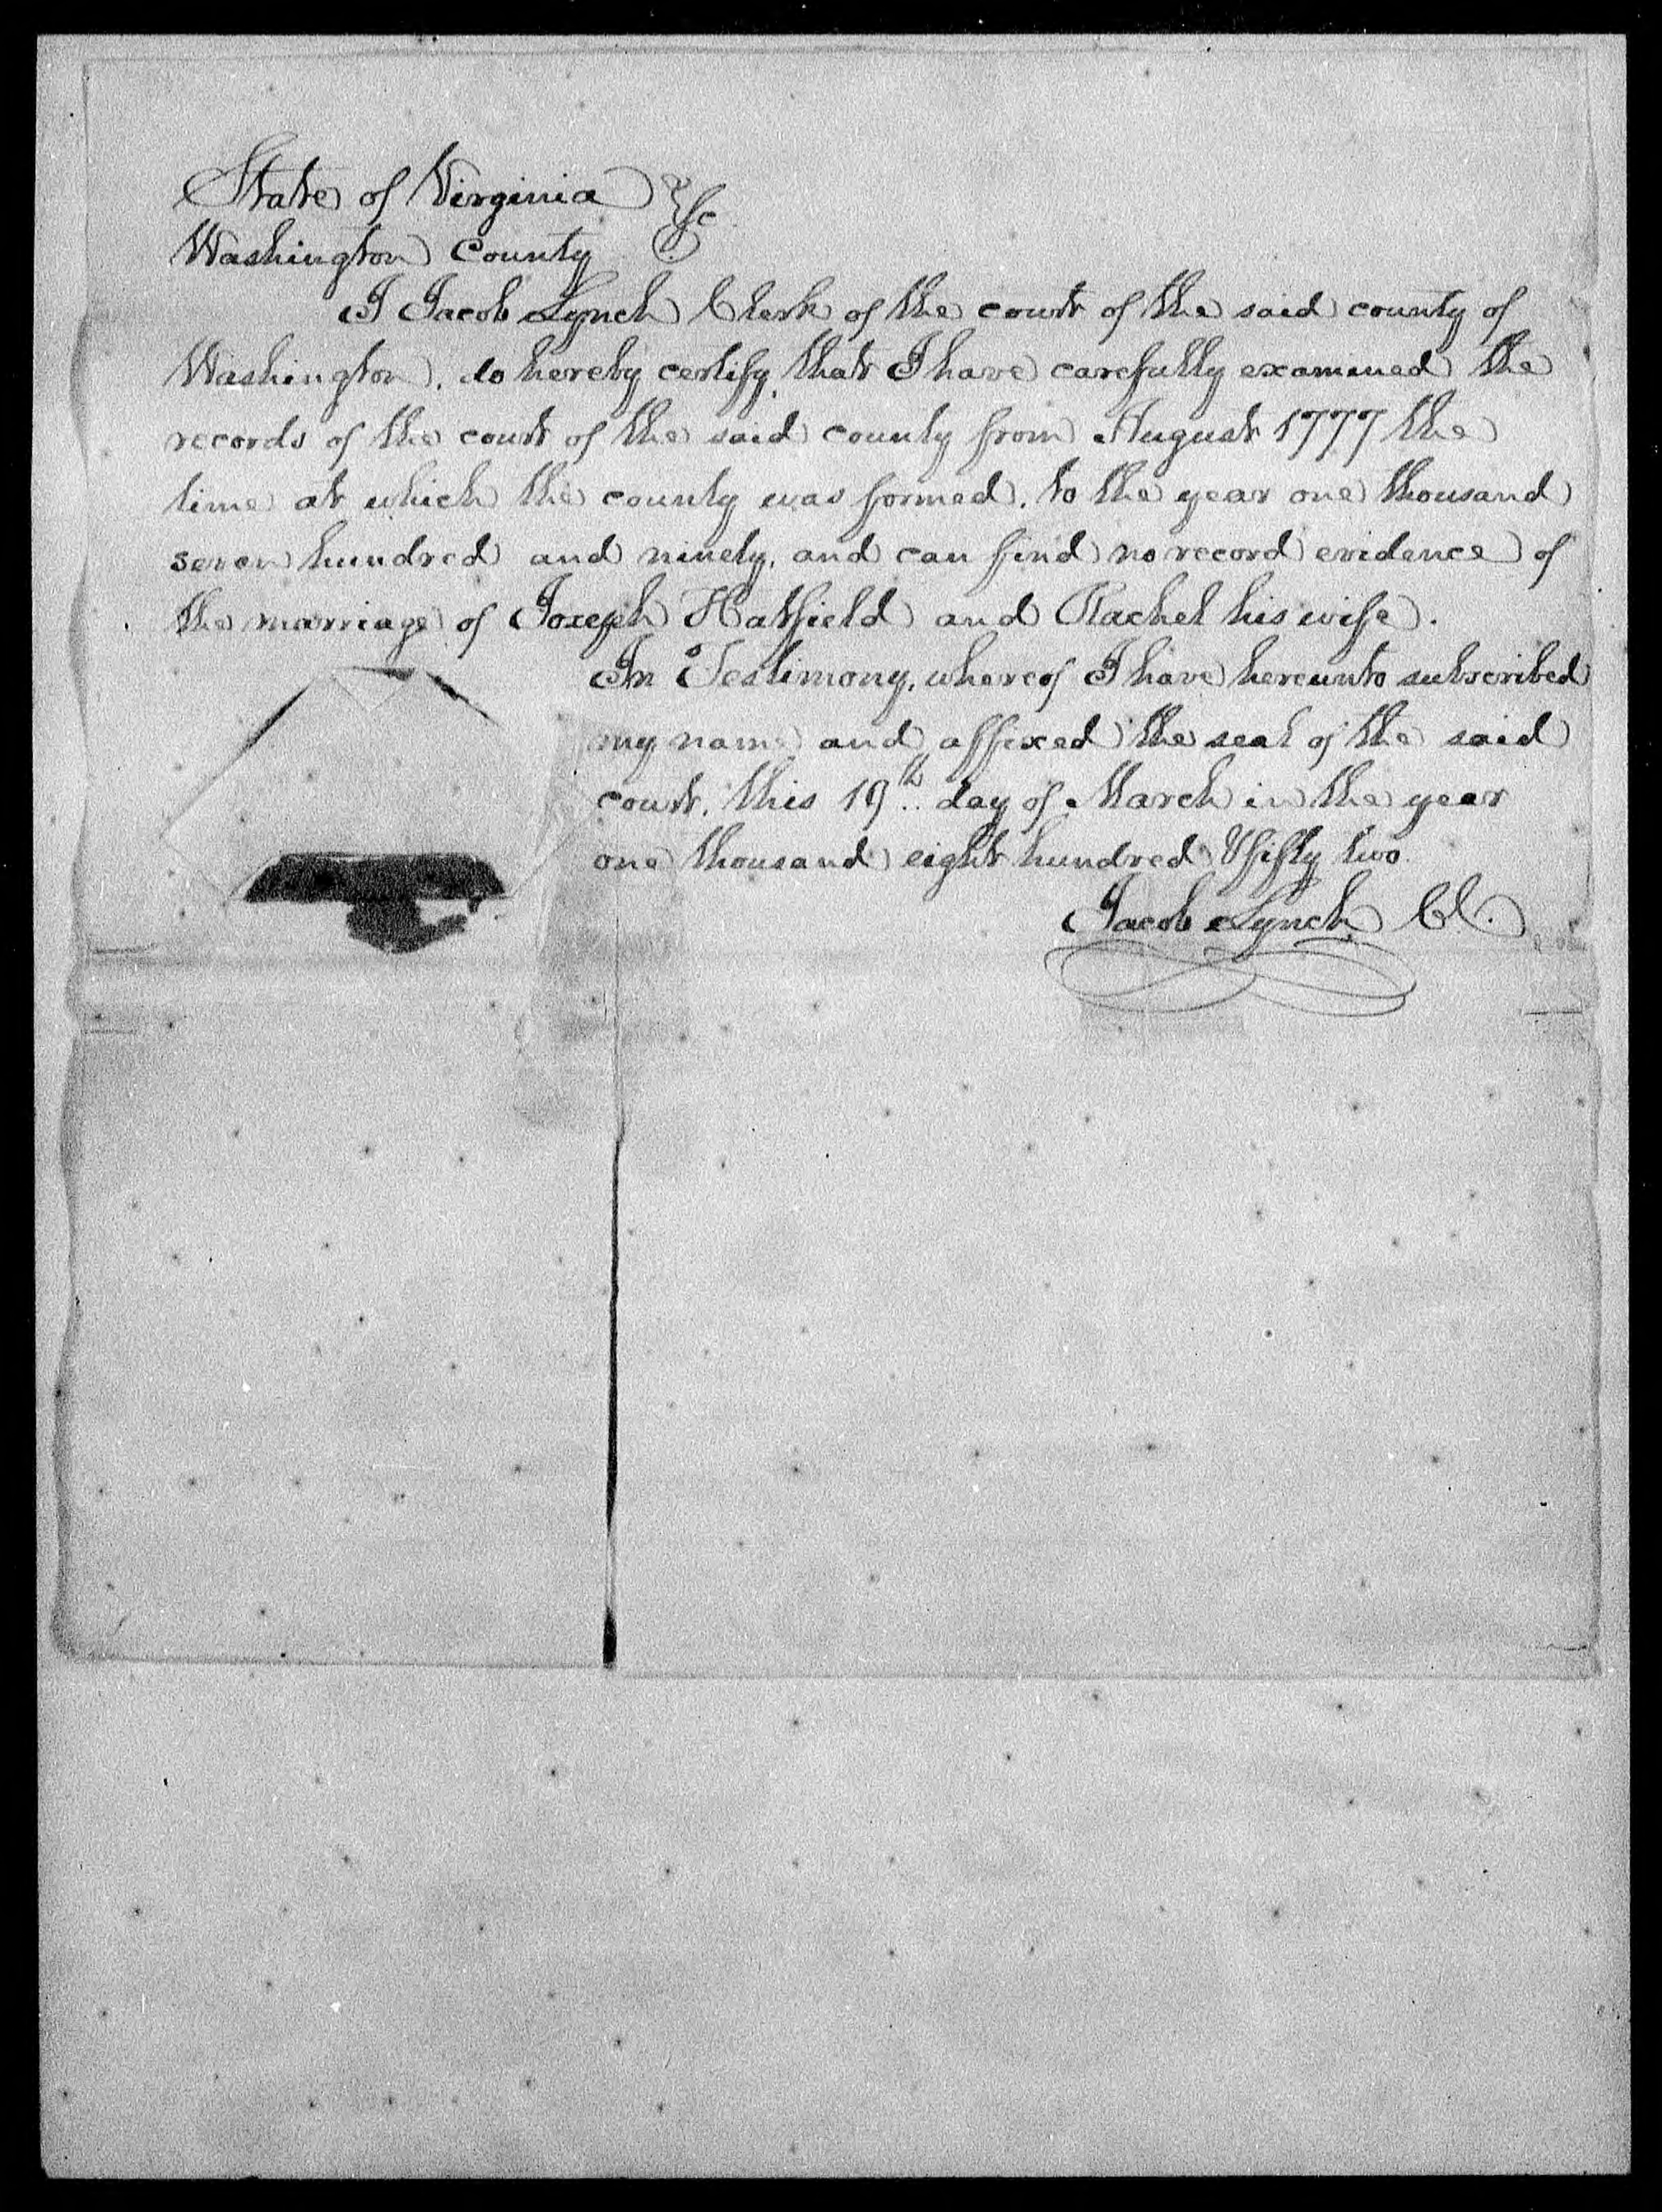State of Virginia}
Washington County} Sc
I Jacob Lynch Clerk of the court of the said county of Washington, do hereby certify, that I have carefully examined the records of the court of the said County from August 1777 the time at which the county was formed, to the year one thousand seven hundred and ninety, and can find no record evidence of the marriage of Joseph Hatfield and Rachel his wife.
In Testimony whereof I have hereunto subscribed my name and affixed the seal of the said court, this 19th day of March in the year one thousand eight hundred & fifty two.
Jacob Lynch C.C.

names: Joseph Hatfield, Jacob Lynch, Rachel, Jacob Lynch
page: 23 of 74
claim: widow's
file: W. 5, Joseph Hatfield, Va.